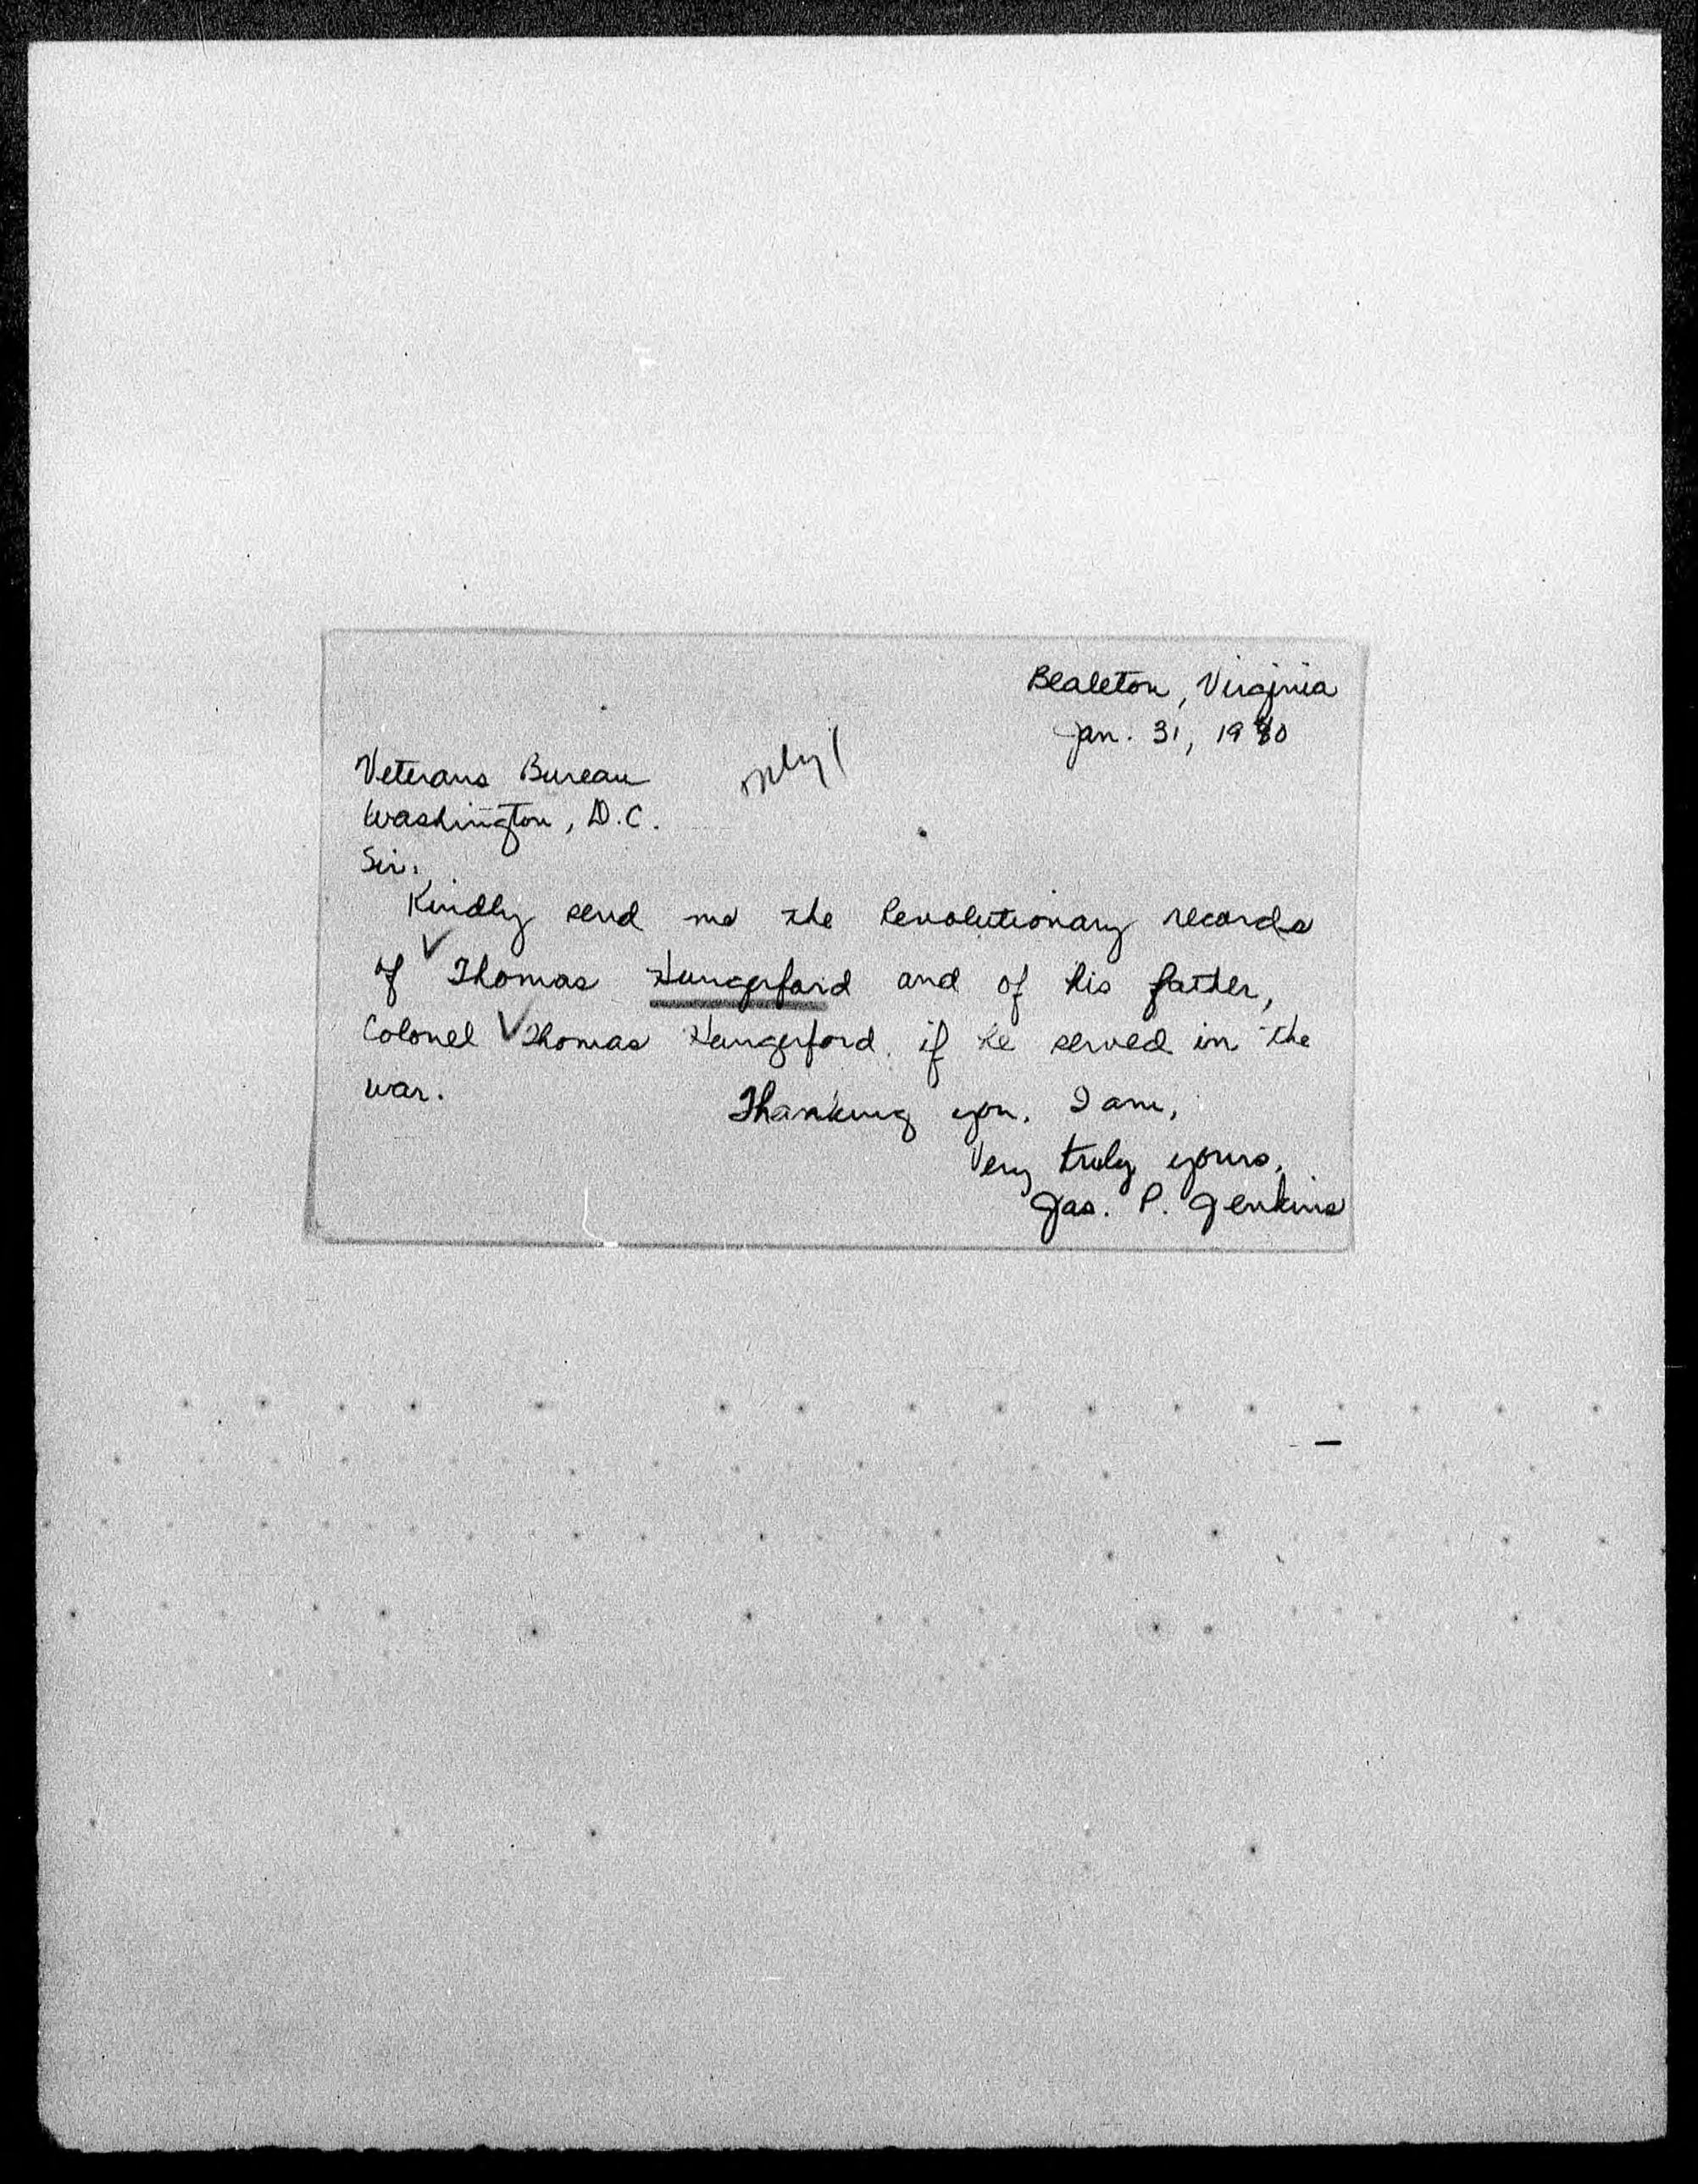Bealeton Virginia
Jan. 31, 1940
Veterans Bureau only 1
Washington, D.C.
Sir,
Kindly send me the Revolutionary records of Thomas Hungerford and of his father, Colonel Thomas Hungerford if he served in the war.
Thanking you, I am.
Very truly yours,
Jas. P. Jenkins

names: Jas P Jenkins, Thomas Hungerford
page: 4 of 7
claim: bounty land warrant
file: B. L. Wt. 934-200, Thomas Hungerford, Va.